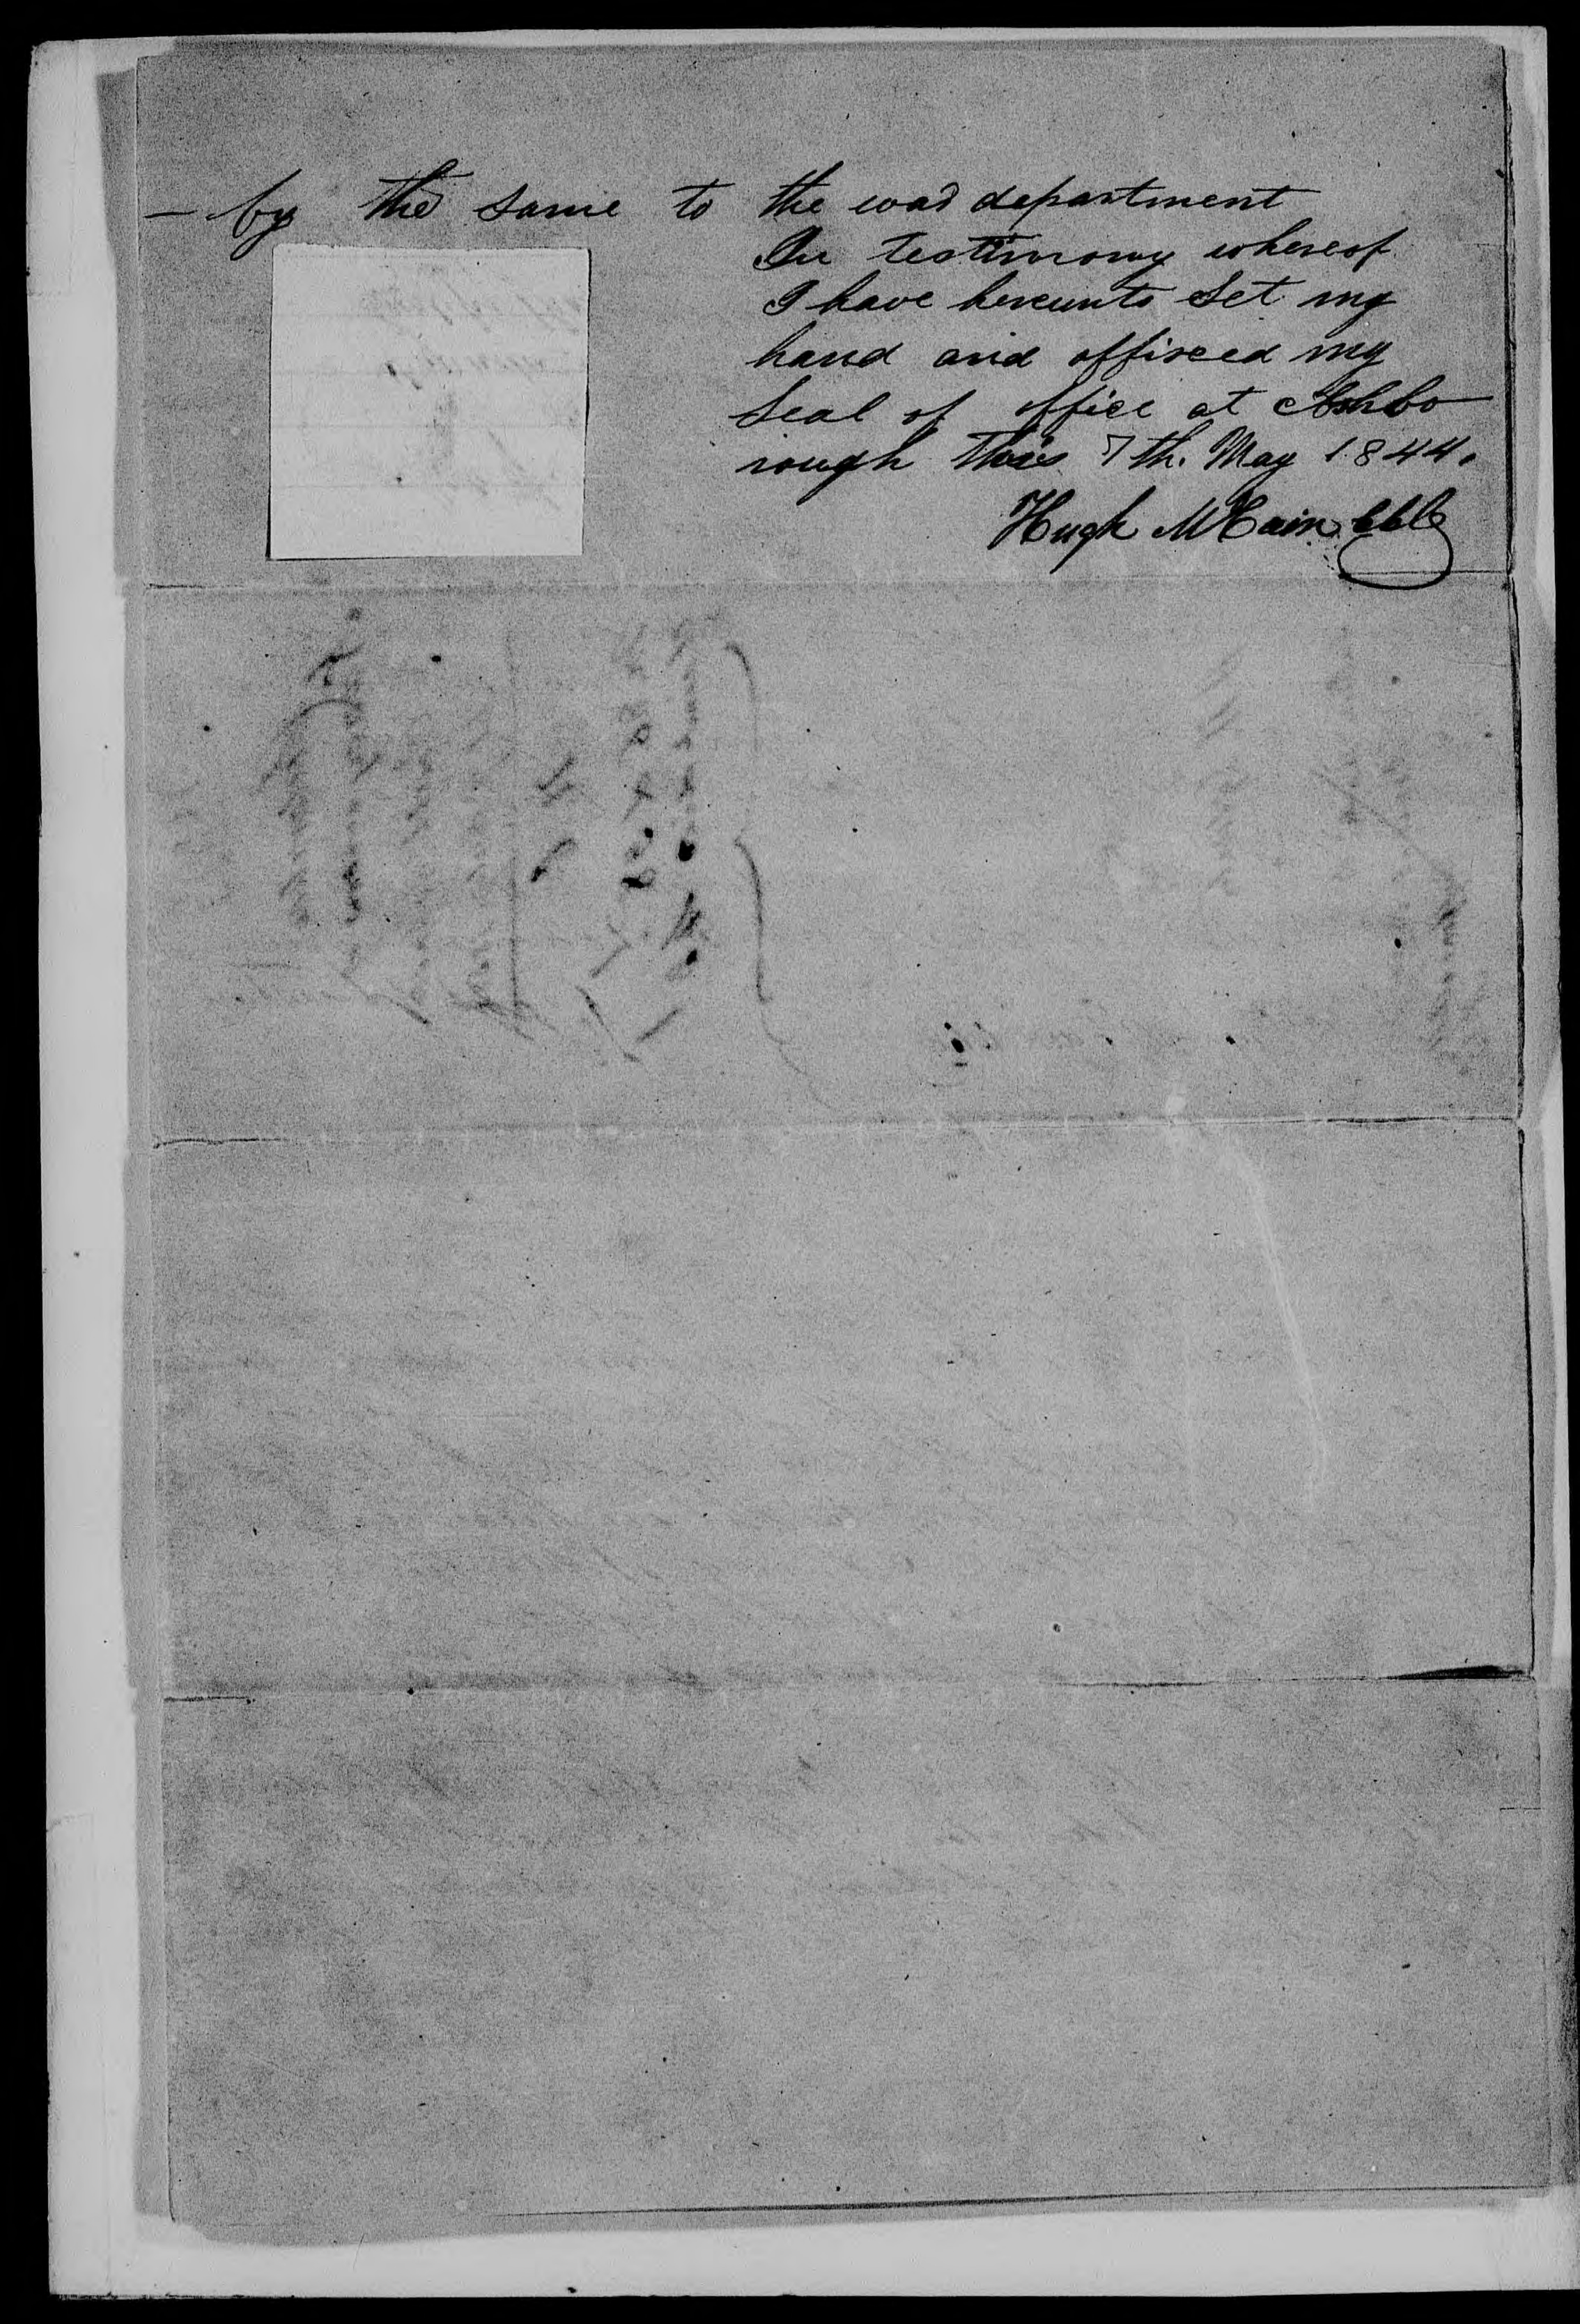[certi]fy the same to the war department 
In testimony whereof I have hereunto set my hand and affixed my Seal of office at Ashborough [Asheboro] this 7th May 1844. 
Hugh McCain Clk [Clerk]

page: 8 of 41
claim: widow's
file: W. 5033, for Joseph Johnston, North Carolina